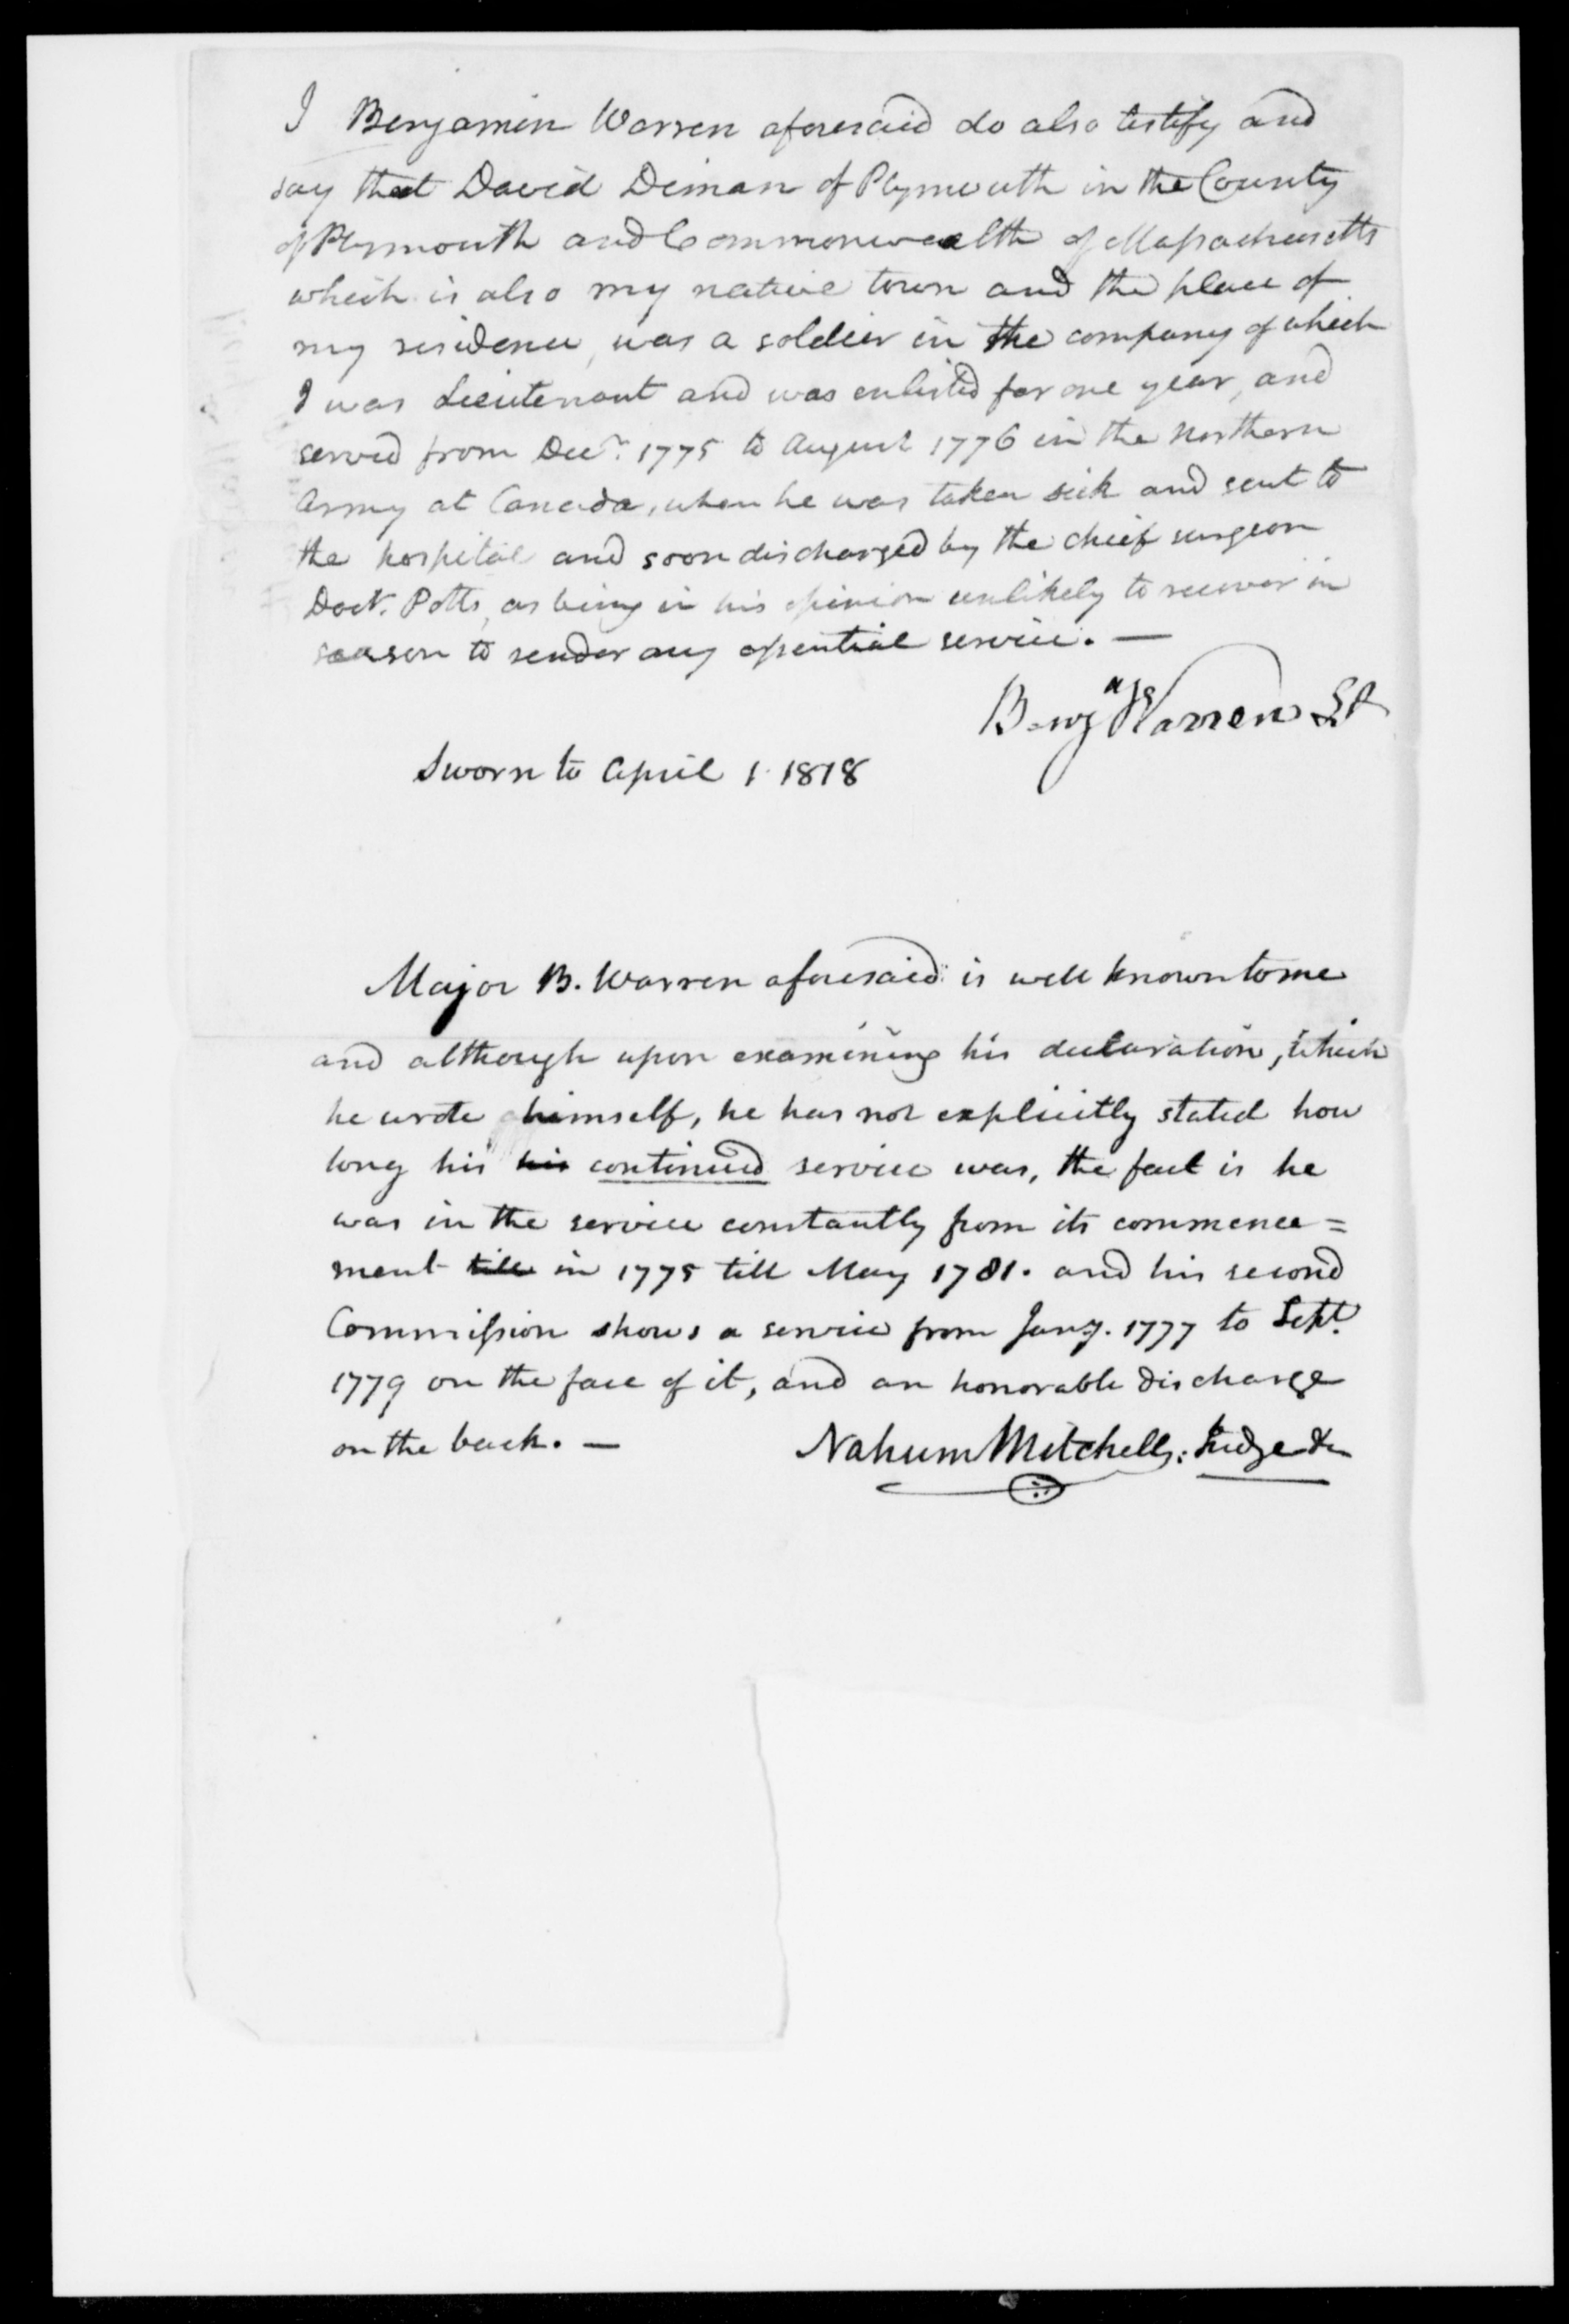I Benjamin Warren aforesaid do also testify and say that Daavid Deman of Plymouth in the County of Plymouth  and Commonwealth of Massachusetts which is also my native town and the place of my residence was a soldier in the company of which I was Lieutenant and was enlisteed for one year and serviced from Decr. 1775 to August 1776 in the Northern Army at Canada when he was taken sick and send to the hospitaland soom discharged by the chief surgeon Cot. Pptts, as being in his opinion unliely to recover in season to render any essential service.
Benj. Warren Lt.
Sworn to April 1, 1818

Major B. Warren aforesaid is well known to me and although upon examining his declaration which he wrote himself, he has not explicitly stated how long his continued service was, the fact is he was in the service constantly from its commencement in 1775 till May 1781 and his second commission shows a service from Jany. 1777 to Sept. 1779 on the face of it, and an honorable discharge on the back.
Nahum Mitchell, Judge &c.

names: David Diman, Benja Warren, B Warren, Nahum Mitchell, Benjamin Warren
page: 8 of 16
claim: survivor's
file: S. 33229, Benjamin Warren, Mass.